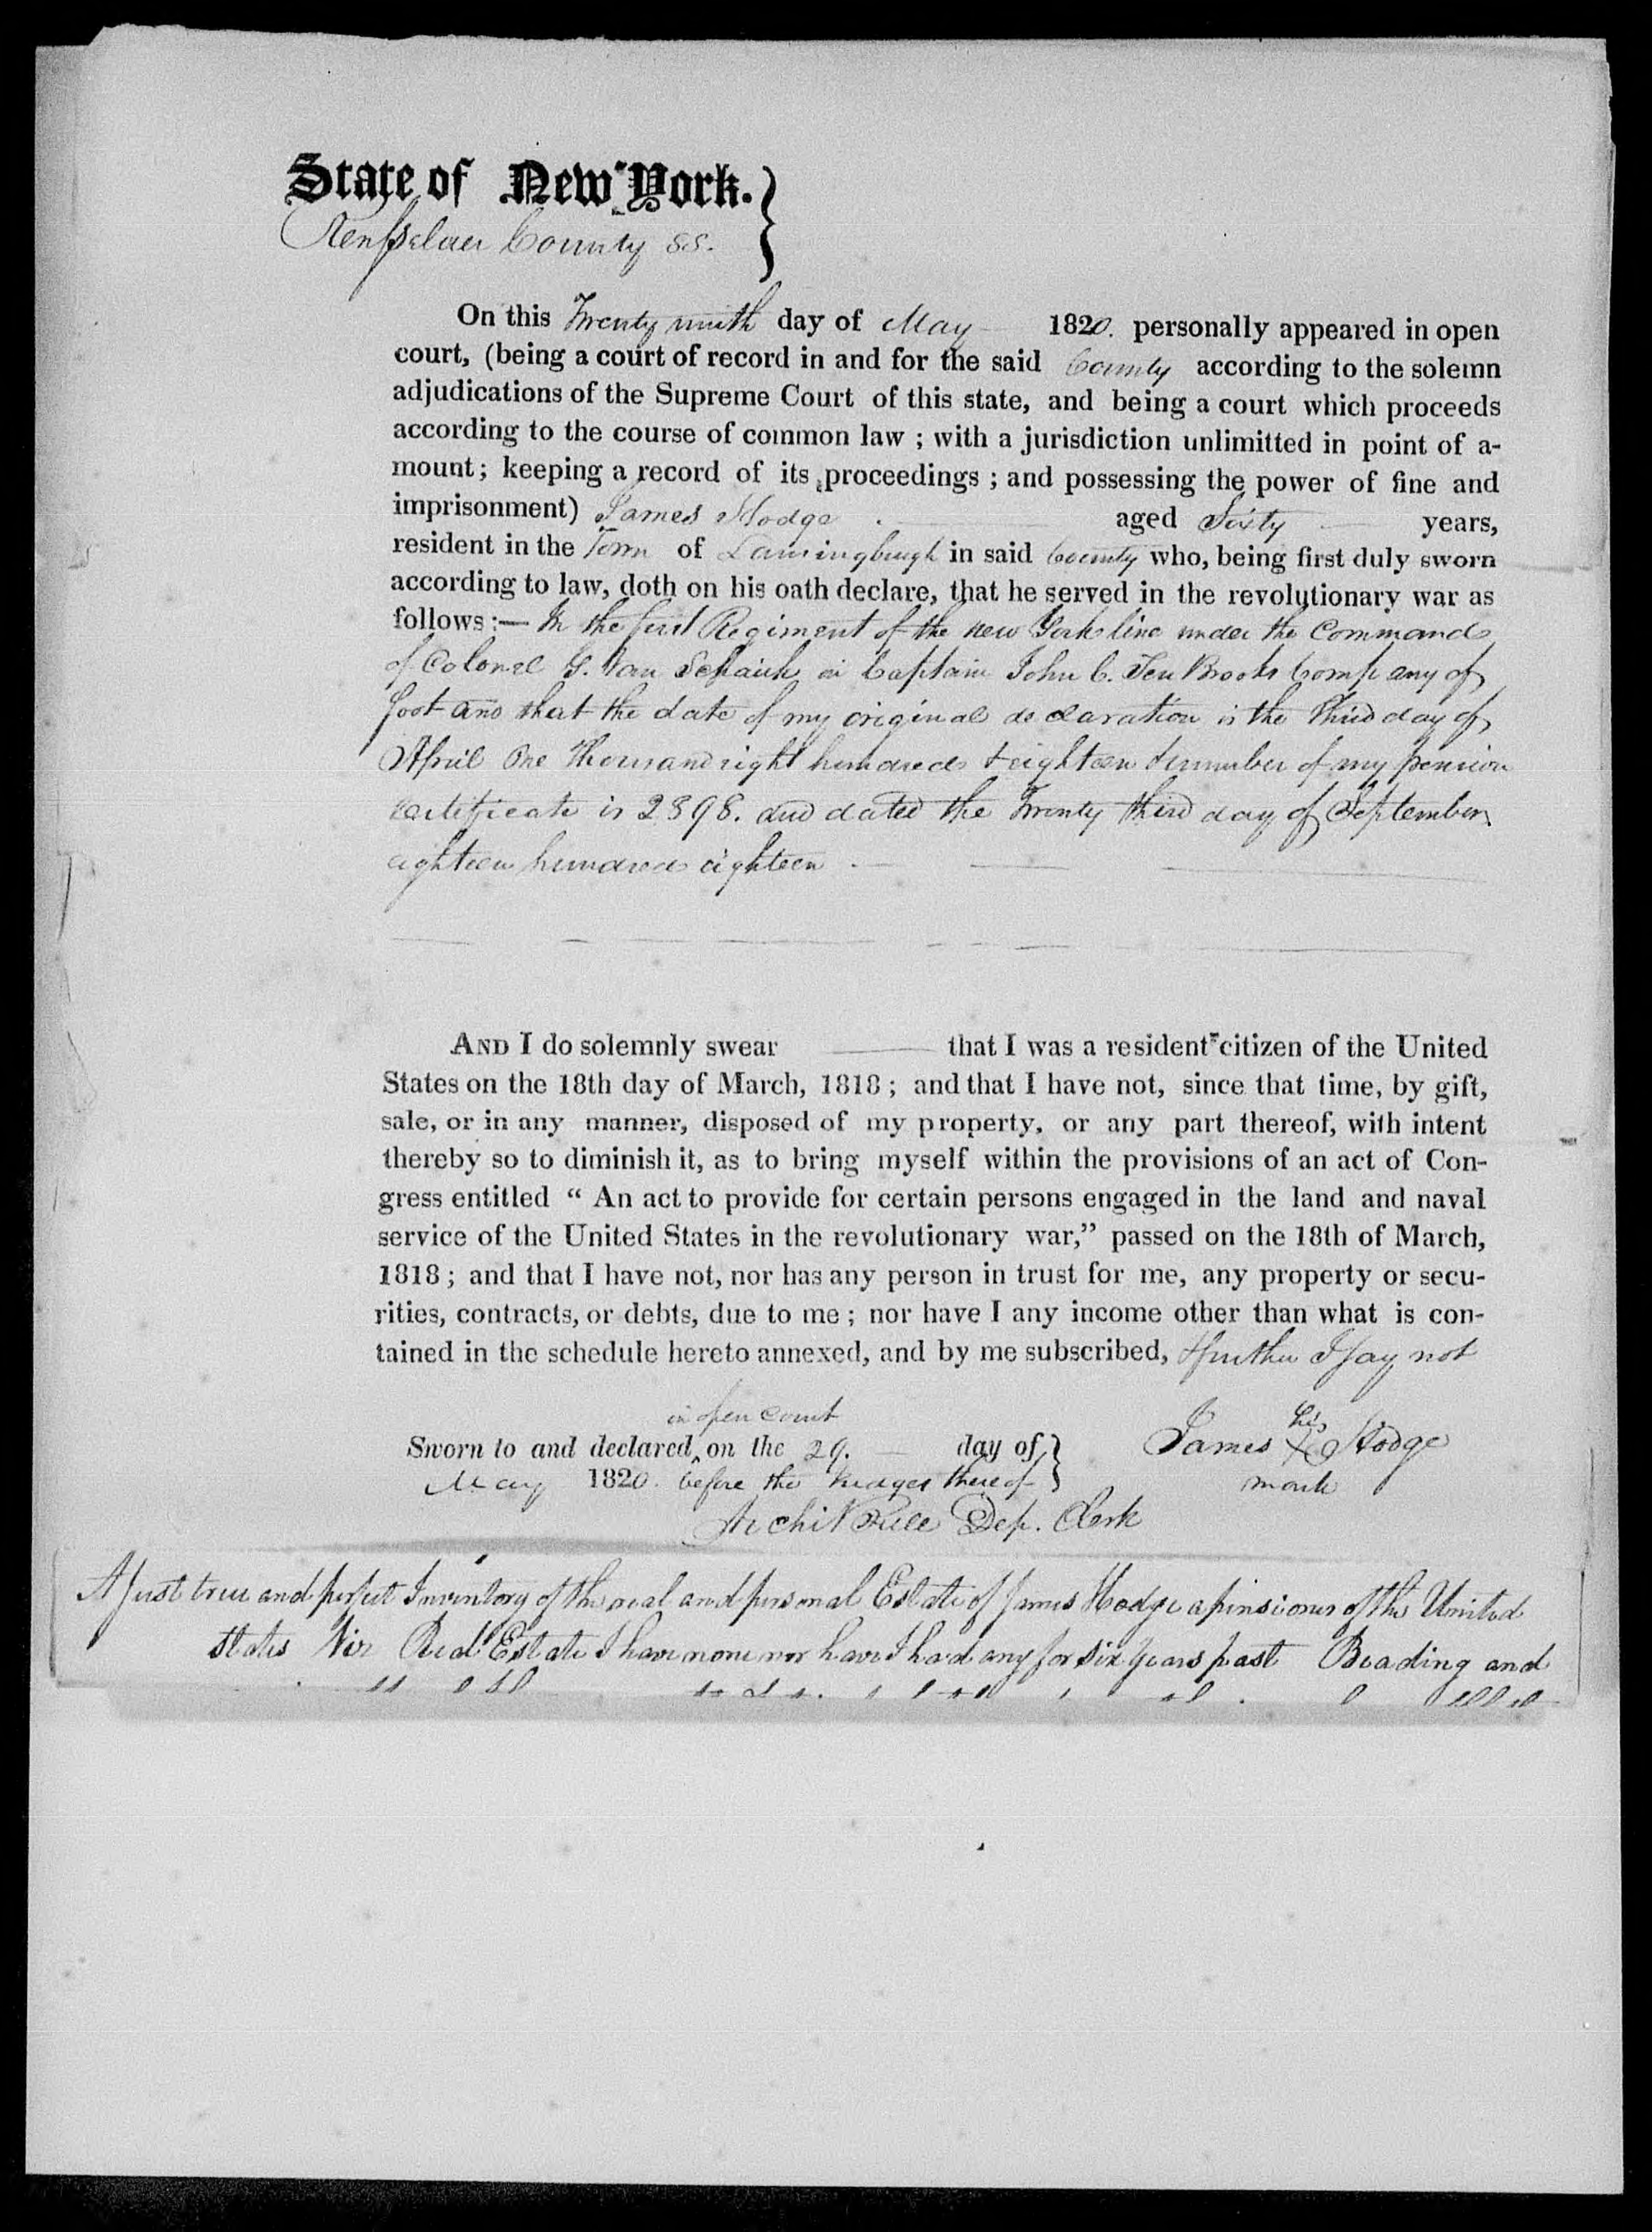State of New York.
Rensselaer County SS.

On this Twenty ninth day of May 1820, personally appeared in open 
court, (being a court of record in and for the said county according to the solemn
adjudications of the Supreme Court of this state, and being a court which proceeds
according to the course of common law ; with a jurisdiction unlimitted in point of a-
amount; keeping a record of its proceedings ; and possessing the power of fine and
imprisonments) James Hodge aged Sixty years,
resident in the Town of Lansingburgh in said County who, being first duly sworn
according to law, doth on his oath declare, that he served in the revolutionary war as 
follows: -- In the first Regiment of the New York line under the Command
of Colonel G. Van Schaick in Captain John C. [Sea?] Brooks Company of
Foot and that the date of my original declaration is the third day of
April One Thousand Eight hundred + eighteen Number of my pension
certificate is 2398. And dated the Twenty third day of September
eighteen hundred eighteen.

And I do solemnly swear that I was a resident of the United States on the 18th day of March, 1818; and that I have not, since that time, by gift
sale, or in any manner, disposed of my property, or any part thereof, with intent
thereby so to diminish it, as to bring myself within the provisions of an act of Con-
gress entitled "An act to provide for certain persons engaged in the land and naval
service of the United States in the revolutionary war," passed on the 18th of March,
1818 ; and that I have not, nor has any person in trust for me, any property of secu-
rities, contracts, or debts, due to me ; nor have I any income other than what is con-
tained in the schedule hereto annexed, and by me subscribed, further I say not

Sworn to and declared [in open court] on the 29.- day of 
May 1820. before the judge thereof
Archie Bull Dep. Clerk 

His
James X Hodge
mark

A just true and perfect Inventory of the real and personal Estate of James Hodge, a [?] of the United
States Sir Real Estate I have none nor have I had any for six years past Beading and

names: James Hodge, Archi Bull, James Hodge, G Van Schaick, James Hodge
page: 4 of 48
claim: widow's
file: W. 10476, James Hodge, New York